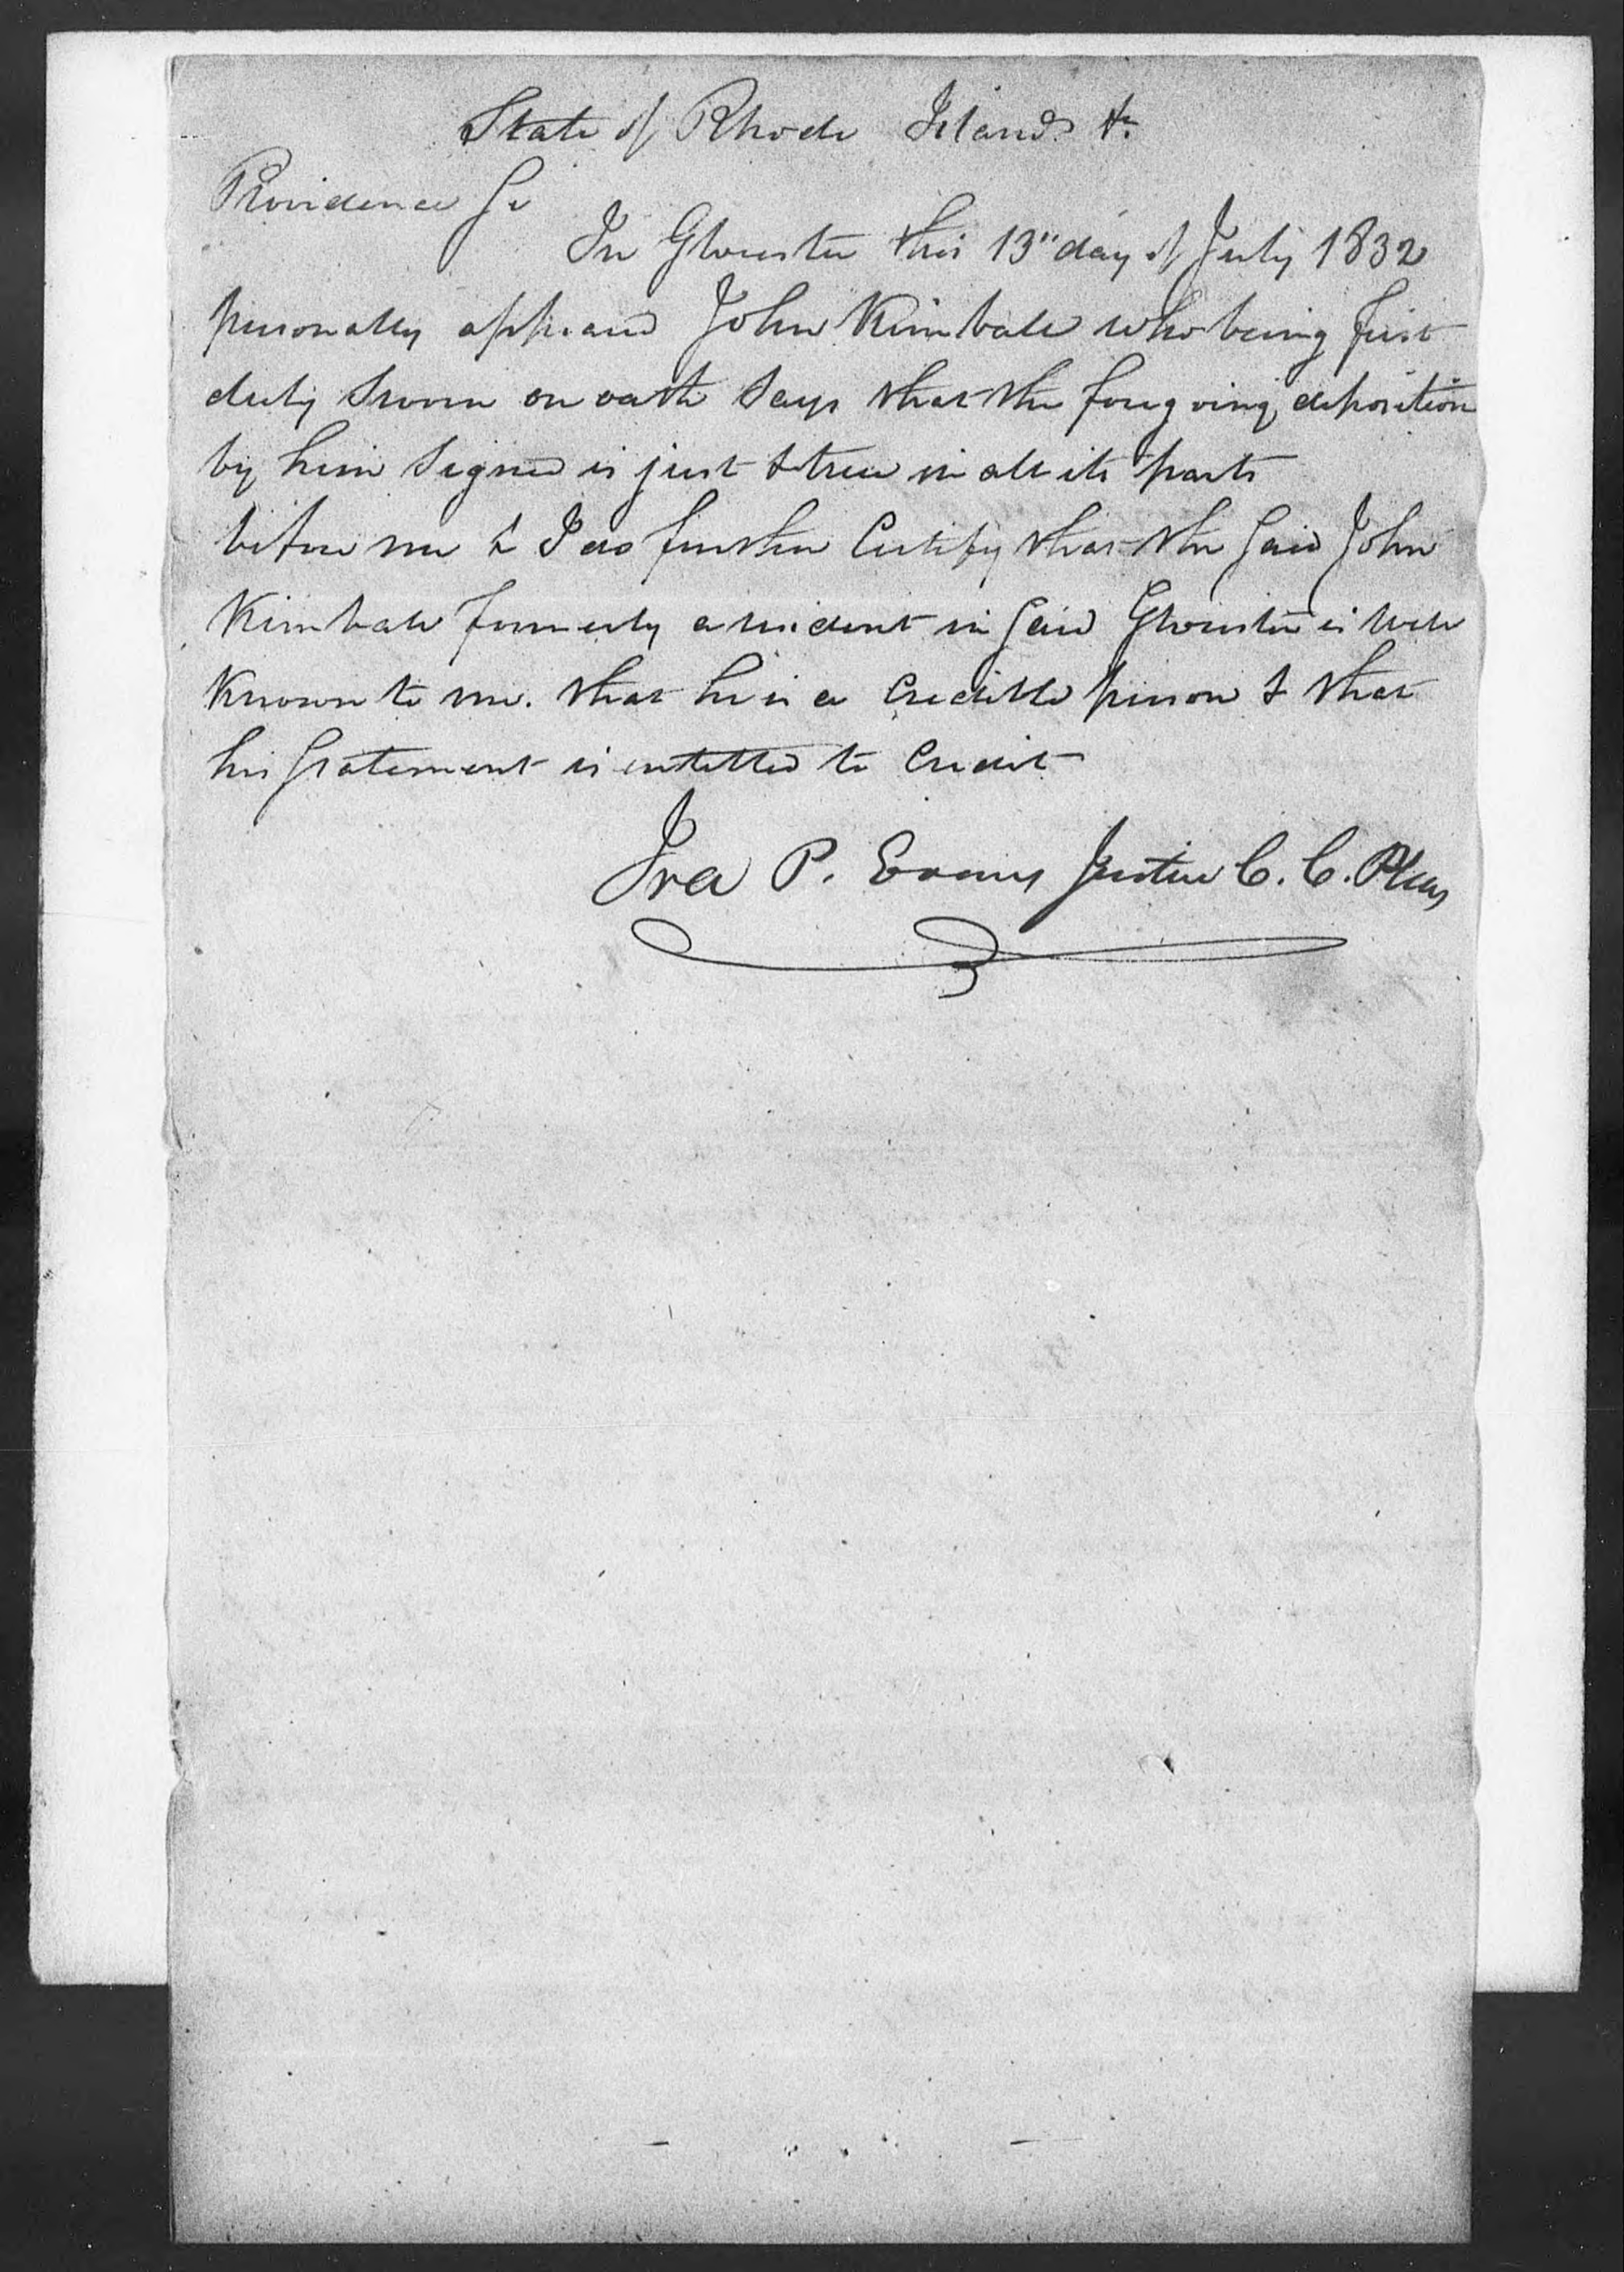State of Rhode Island 
Providence ss.
In Glouster this 13" day of July 1832
personally appeared John Kimball who being first
duly sworn on oath says that the foregoing deposition
by him signed is just & true in all its parts
before me & I do further certify that the said John
Kimball formerly a resident in said Glouster is well
known to me that he is a credible person & that
his statement is entitled to credit
Ira P. Evans Justice C.C. Pleas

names: John Kimball, Ira P Evans, John Kimball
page: 8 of 17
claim: survivor's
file: S. 21285, Daniel Hicks, R.I.